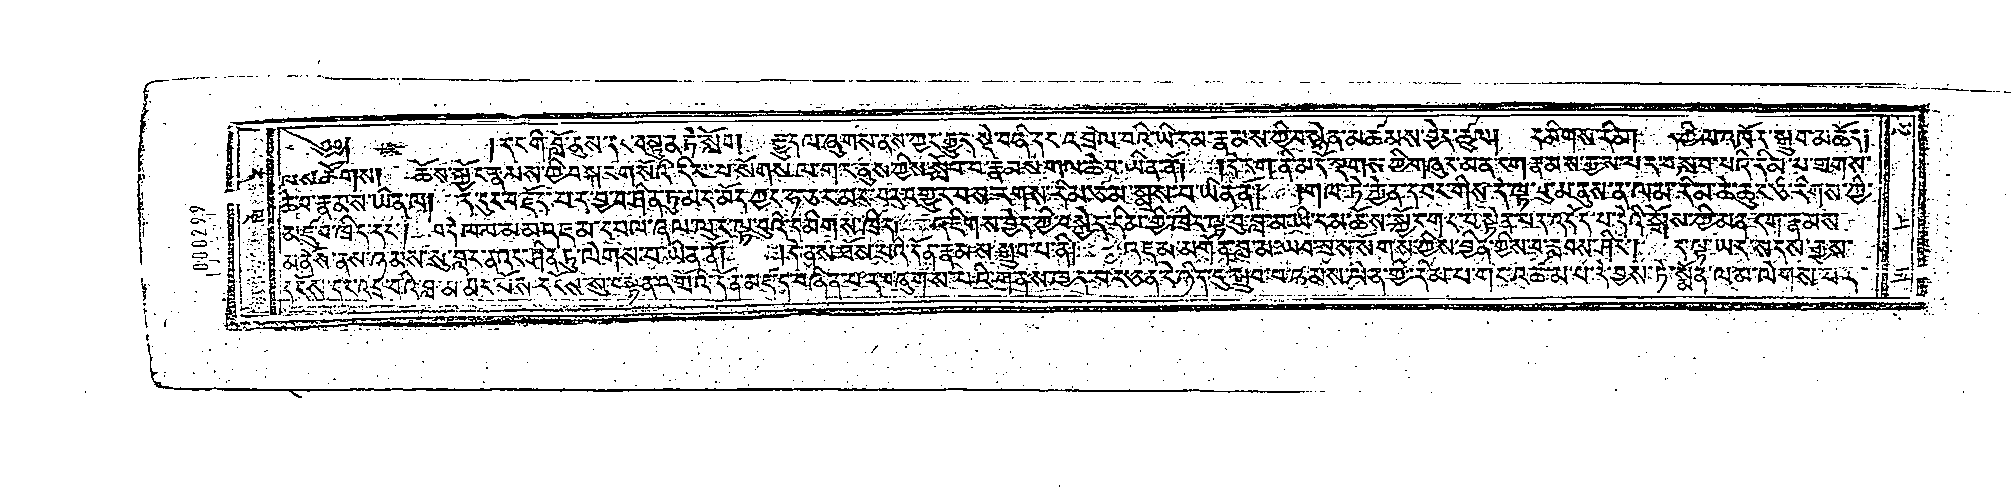༄༅། །རང་གི་བློ་ནུས་དང་བསྟུན་ཏེ་སློབ། རྒྱུད་ལ་ཞུགས་ནས་ཀྱང་རྒྱུད་སྡེ་བཞི་དང་འབྲེལ་བའི་ཡི་དམ་རྣམས་ཀྱི་བསྙེན་མཚམས་བྱེད་ཚུལ། དམིགས་རིམ། དཀྱིལ་འཁོར་སྒྲུབ་མཆོད།
ལས་ཚོགས། ཆོས་སྐྱོང་རྣམས་ཀྱི་བསྐང་གསོའི་རིམ་པ་སོགས་ལ་གང་ནུས་ཀྱིས་སློབ་པ་རྣམས་གལ་ཆེ་བ་ཡིན་ནོ། །དེ་དག་ནི་མདོ་སྔགས་ཀྱི་གཞུང་མན་ངག་རྣམས་རྒྱས་པར་བསླབ་པའི་རིམ་པ་གྲགས་
ཆེ་བ་རྣམས་ཡིན་ལ། ད་དུང་བརྗོད་པར་བྱ་བ་ཤིན་ཏུ་མང་མོང་ཀྱང་ཧ་ཅང་མང་བར་འགྱུར་པས་རགས་རིམ་ཙམ་སྨྲས་པ་ཡིན་ནོ། །གལ་ཏེ་རྐྱེན་དབང་གིས་དེ་ལྟ་བུ་མ་ནུས་ན་ལམ་རིམ་ཆེ་ཆུང་ཅི་རིགས་ཀྱི་
མཛུ་བ་ཁྲིད་དང་། བདེ་ལམ་མ་མ་འཇམ་དཔལ་ཞལ་ལུང་ལྟ་བུའི་དམིགས་ཁྲིད། འཇིགས་བྱེད་ཀྱི་བསྐྱེད་རིམ་གྱི་ཁྲིད་ལྟ་བུ་བླ་མ་ཡི་དམ་ཆོས་སྐྱོང་གང་བསྟེན་པར་འདོད་པ་དེའི་སོགས་ཀྱི་མན་ངག་རྣམས་
མནོས་ནས་ཉམས་སུ་བླང་ནའང་ཤིན་ཏུ་ལེགས་པ་ཡིན་ནོ། །དེ་ནས་ཐོས་པའི་དོན་རྣམས་སྒྲུབ་པ་ནི། འཇམ་མགོན་བླ་མ་ཡབ་སྲས་སོགས་ཀྱིས་བྱིན་གྱིས་བ་རླབས་ཤིང་། ད་ལྟ་ཡང་སངས་རྒྱས་
དངོས་དང་འདྲ་བའི་བླ་མ་མང་པོས་དངོས་སུ་བསྟན་འགྲོའི་དོན་མཛད་བཞིན་པར་བཞུགས་པའི་གནས་ཁྱད་པར་ཅན་དེ་ཉིད་དུ་སྒྲུབ་པ་ཉམས་ལེན་གྱི་རིམ་པ་གང་འཚམ་པ་རེ་བྱས་ཏེ་སྨོན་ལམ་ལེགས་པར་